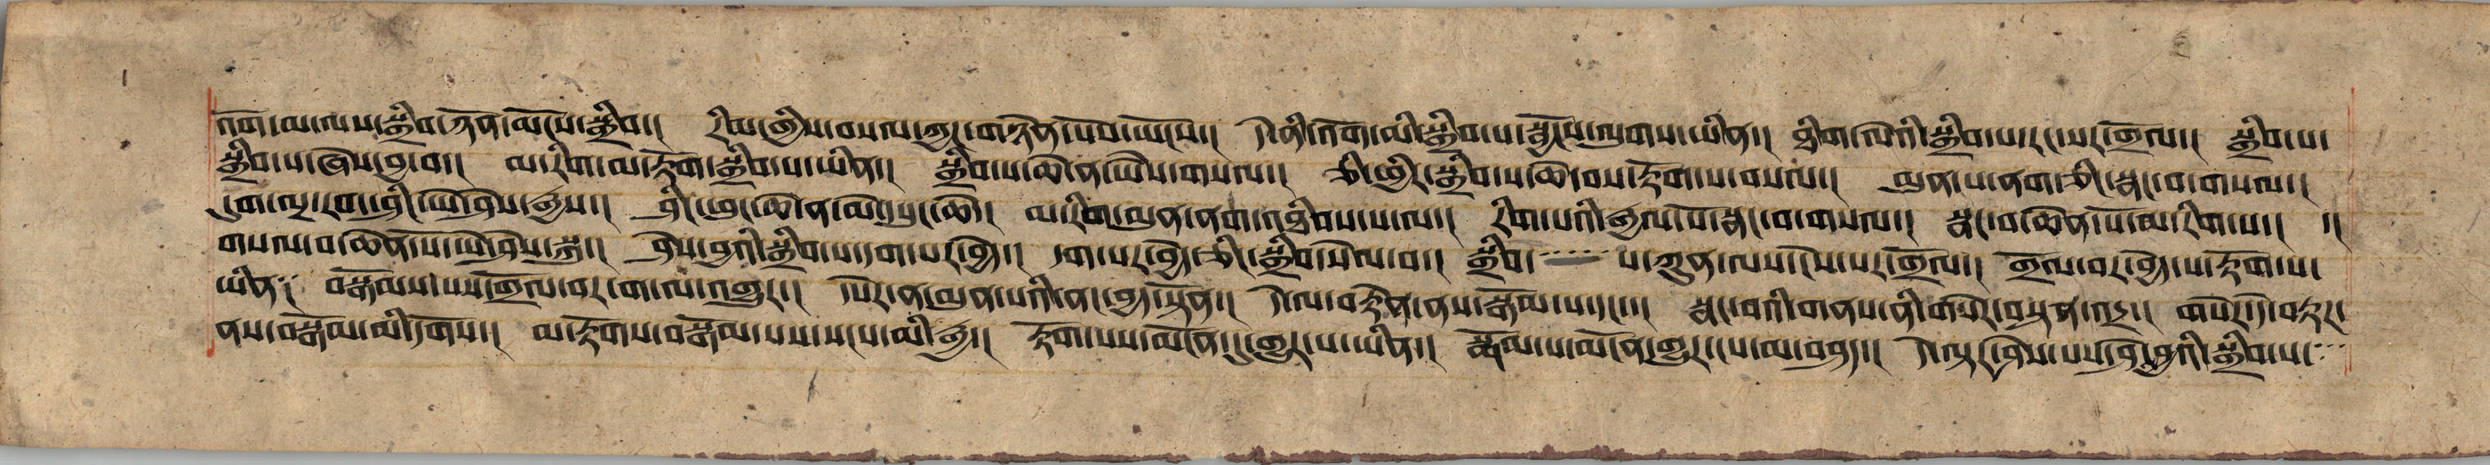འོག་མ་ལས་སྒྲིབ་ཉོན་མོངས་སྒྲིབ་། རིམ་གྱིས་བསལ་ཀྱང་གཉེན་པོས་ཡོངས་། དེ་ནི་འོག་མི་སྒྲིབ་པ་སྦྱོངས་ལུགས་ཡིན་། ཐིག་ལེའི་སྒྲིབ་པ་རང་སར་གྲོལ་། སྒྲིབ་པ་
སྒྲིབ་པ་ཞེས་བྱ་བ་། མ་རིག་མ་རྟོག་སྒྲིབ་པ་ཡིན་། སྒྲིབ་པ་ཆེ་ན་ཡཻས་གསལ་། ཅི་ཕྱིར་སྒྲིབ་པ་ཆེ་བས་རྟོག་པ་བསལ་། མུན་པ་ནག་ཅིང་སྣང་བ་གསལ་།
དུག་ལྔ་རག་ཤིང་ཡེ་ཤེས་རྒྱས་། ཤིང་ཕུང་ཆེ་ན་མེ་པུང་ཆེ་། མ་རིག་མུན་ནག་འཐིབས་པ་ལ་། རིག་པའི་རྒྱལ་པོ་སྣང་བ་གསལ་། སྣང་བ་ཆེན་པོ་མ་རིག་པ་། ་།
གསལ་བ་ཆེན་པོ་ཡེ་ཤེས་སྐུ་། ཤེས་བྱའི་སྒྲིབ་པ་དག་པར་བྱེད་། དག་པར་བྱེད་ཅིང་སྒྲིབ་སེལ་བ་། སྒྲིབ་ པ་ཀུན་ལས་ངེས་པར་གྲོལ་། གྲོལ་བར་བྱེད་པ་རྟོག་པ་
ཡིན༑ བསྒོམས་པས་གྲོལ་བར་ག་ལ་འགྲུར་། དཔེར་ན་མུན་པའི་ནང་བྱད་སྟོན་། དེ་ལ་བརྟེན་ནས་སྒོམ་པ་དང་་། སྣང་བའི་གནས་ནི་གསེར་བསྟན་འདྲ་། གསེར་དེ་བརྟཌ་
ནས་བསྒོམ་མི་དགོས་། མ་རྟོགས་བསྒོམ་པས་སངས་མི་རྒྱ་། རྟོག་པས་མངོན་དུ་གྱུར་པ་ཡིན་། སྒོམ་པ་མངོན་གྱུར་ངས་མ་བཤད་། དེ་ལྟར་ཤེས་པས་ཤེ་བླུའི་སྒྲིབ་པ་